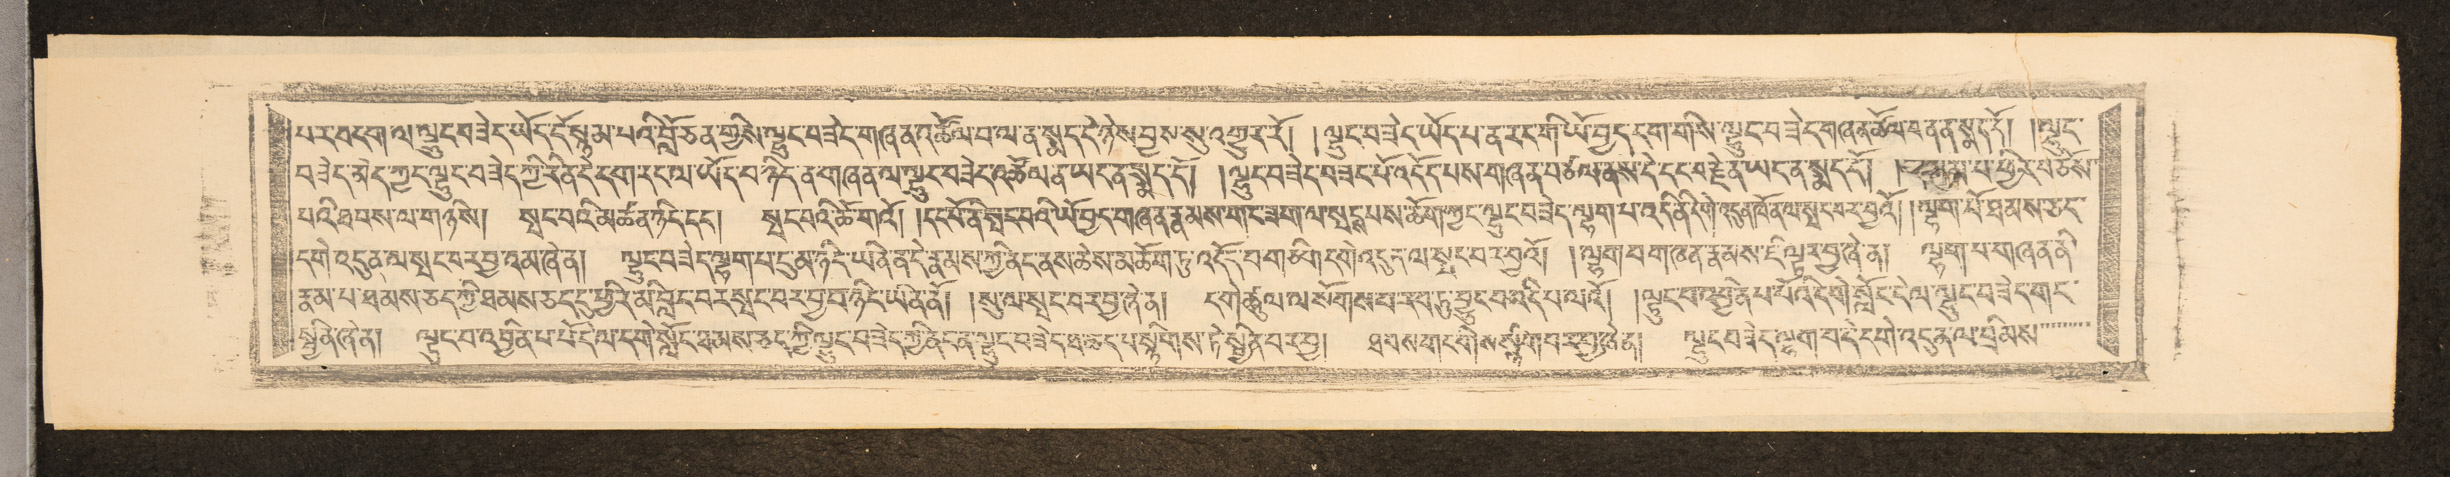པར་བདག་ལ་ལྷུང་བཟེད་ཡོད་དོ་སྙམ་པའི་བློ་ཅན་གྱིས་ལྷུང་བཟེད་གཞན་འཚོལ་བ་ལ་ན་སྨད་དེ་ཉེས་བྱས་སུ་འགྱུར་རོ། །ལྷུང་བཟེད་ཡོད་པ་ན་རང་གི་ཡོ་བྱད་དག་གིས་ལྷུང་བཟེད་གཞན་ཚོལ་བན་ན་སྨད་དོ། །ལྷུང་
བཟེད་མེད་ཀྱང་ལྷུང་བཟེད་ཀྱི་རིན་དེ་དག་རང་ལ་ཡོད་པ་ཉིད་ན་གཞན་ལ་ལྷུང་བཟེད་འཚོལ་ན་ཡང་ན་སྨད་དོ། །ལྷུང་བཟེད་བཟང་པོ་འདོད་པས་གཞན་བཙལ་ནས་དེ་དང་བརྗེ་ན་ཡང་ན་སྨད་དོ། །གསུམ་པ་ཕྱིར་བཅོས་
པའི་ཐབས་ལ་གཉིས། སྤང་བའི་མཚན་ཉིད་དང་། སྤང་བའི་ཆོ་གའོ། །དང་པོ་ནི་སྤང་བའི་ཡོ་བྱད་གཞན་རྣམས་གང་ཟག་ལ་སྤངས་པས་ཆོག་ཀྱང་ལྷུང་བཟེད་ལྷག་པ་འདི་ནི་དགེ་འདུན་འདུན་ཁོན་ལ་སྤང་བར་བྱའོ། །ལྷག་པོ་ཐམས་ཅད་
དགེ་འདུན་ལ་སྤང་བར་བྱ་འམ་ཞེ་ན། ལྷུང་བཟེད་ལྷག་པ་དུ་མ་ཉིད་ཡིན་ན་དེ་རྣམས་ཀྱི་ནང་ནས་ཆེས་མཆོག་ཏུ་འདོད་པ་གཅིག་དགེ་འདུན་ལ་སྤང་བར་བྱའོ། །ལྷག་པ་གཞན་རྣམས་ཇི་ལྟར་བྱ་ཞེ་ན། ལྷག་པ་གཞན་ནི་
རྣམ་པ་ཐམས་ཅད་ཀྱི་ཐམས་ཅད་དུ་ཕྱིར་མི་བླང་བར་སྤང་བར་བྱ་བ་ཉིད་ཡིན་ནོ། །སུ་ལ་སྤང་བར་བྱ་ཞེ་ན། དགེ་ཚུལ་ལ་སོགས་པ་རབ་ཏུ་བྱུང་བ་འདི་པ་ལའོ། །ལྟུང་བ་འབྱིན་པ་པོའི་དགེ་དེ་ལ་ལྷུང་བཟེད་གང་
སྦྱིན་ཞེ་ན། ལྟུང་བ་འབྱིན་པ་པོ་དེ་ལ་དགེ་སློང་ཐམས་ཅད་ཀྱི་ལྷུང་བཟེད་ཀྱི་ནང་ན་ལྷུང་བཟེད་ཐ་ཆད་པ་སྙིགས་ཏེ་སྦྱིན་པར་བྱ། ཐབས་གང་གིས་སྙིག་པར་བྱ་ཞེ་ན། ལྷུང་བཟེད་ལྷག་པ་དེ་དགེ་འདུན་ལ་བྲིམས་